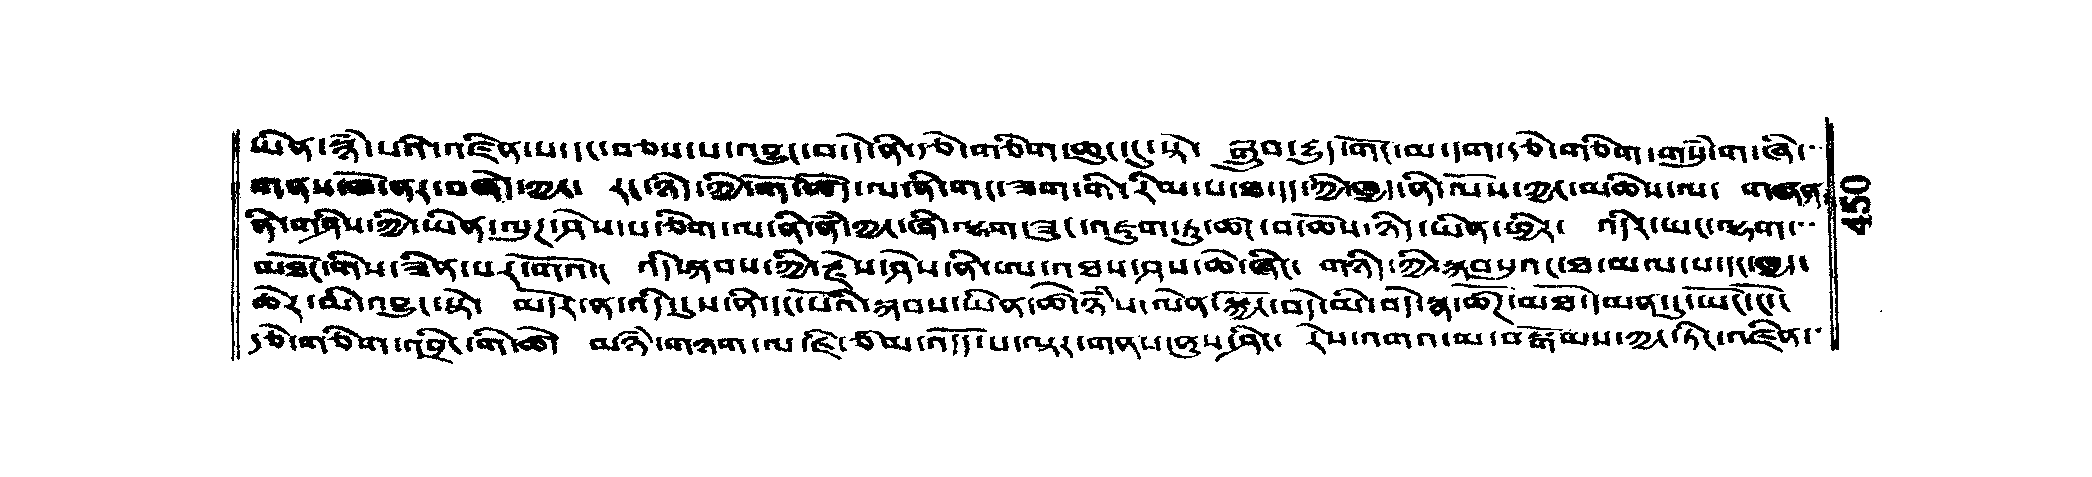ཡིན་སྙམ་པའི་འཛིན་པ་དང་བཅས་པ་འབྱུང་བ་དེ་ནི་རྩེ་གཅིག་ཆུང་ངུ་སྟེ། སྒྲུབ་རྒྱུད་གོང་མ་དག་རྩེ་གཅིག་གསུམ་ག་ཞི་
གནས་ཁོ་ནར་བཞེད་ཀྱང་། རང་ཉིད་ཀྱི་གོ་ཚོད་ལ་ནི་གང་ཟག་གི་རིམ་པ་ཐ་དད་ཀྱི་ཁྱད་ནི་ལོས་ཀྱང་མཆིས་ལ། གཞན་
ནི་གཤིས་ཀྱི་ཡིན་ལུགས་ཤེས་པ་ཞིག་ལ་ནི་ནམ་ཡང་ཞི་ལྷག་ཟུང་འཇུག་ཏུ་ཚང་བ་ཆོས་ཉིད་ཡིན་ཕྱིར། འདིར་ཡང་ལྷག་
མཐོང་གིས་ཟིན་པར་གོའོ། འདི་སྐབས་ཀྱི་རྗེས་ཤེས་ནི་ཨ་འཐས་ཤས་ཆེ་ཞིང་། གཉིད་ཀྱི་སྐབས་སུའང་ཐ་མལ་པ་དང་ཁྱད་
ཆེར་མི་འབྱུང་སྟེ། མདོར་ན་འདི་དུས་ནི་དང་པོའི་སྐབས་ཡིན་ཚེ་ཉམས་ལེན་སྐྱོང་བདེ་མི་བདེ་སྣ་ཚོགས་མཐོ་དམན་དུ་ཡོང་ངོ་། 
རྩེ་གཅིག་འབྲིང་གི་ཚེ། མཉམ་བཞག་ལ་ཇི་ཙམ་འདོད་པ་ལྟར་གནས་ནུས་ཤིང་། རེས་འགའ་མ་བསྒོམས་ཀྱང་ཏིང་འཛིན་